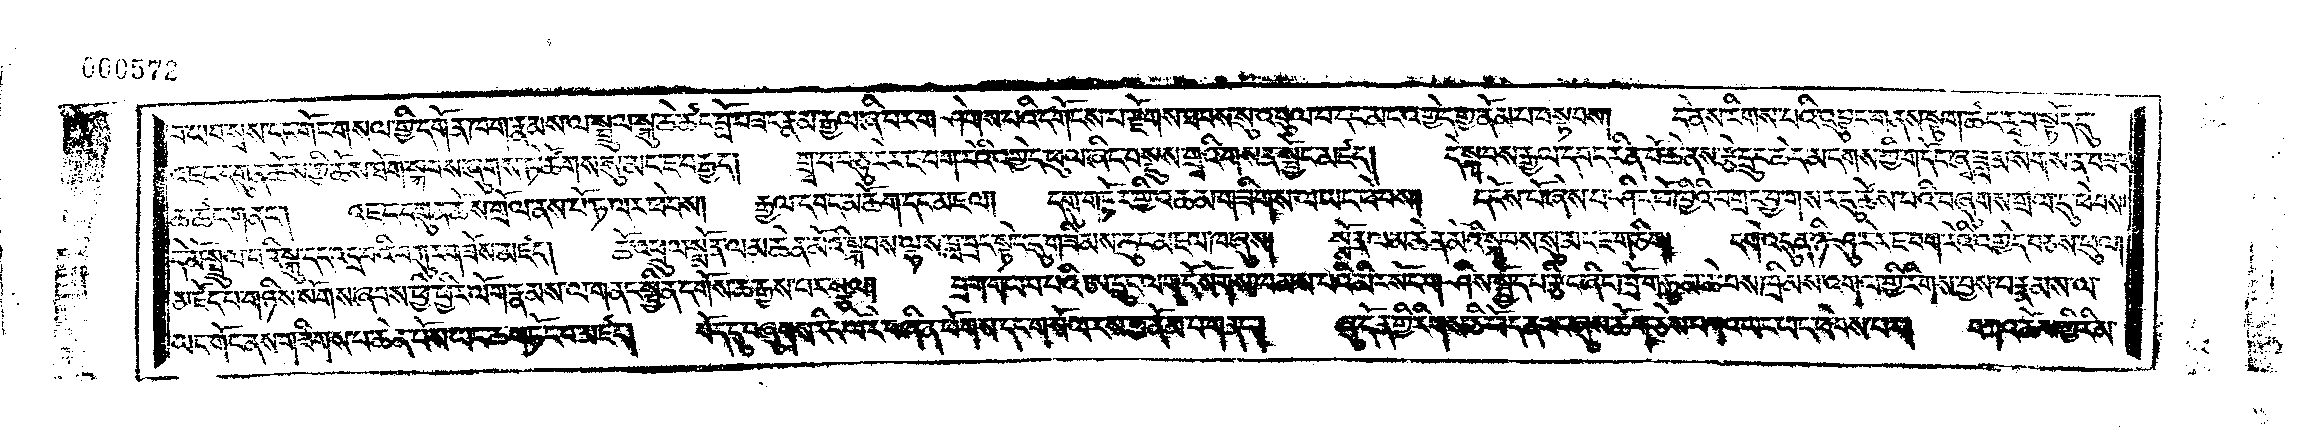བ་ཡབ་སྲས་དང་གོང་གསལ་གྱི་དགོན་ཁག་རྣམས་ལ་སྤྲུལ་སྐུ་ཆེ་ཚང་བློ་བཟང་རྣམ་རྒྱལ་ཞི་བར་གཤེགས་པའི་དགོངས་པ་རྫོགས་ཐབས་སུ་འབུལ་བ་དང་མང་འགྱེད་གྱ་ནོམ་པ་བསྟབས། དེ་ནས་རིགས་པའི་འབྱུང་གནས་སྟག་ཚང་རྭ་བ་སྟོད་དུ་
འཇང་དགུན་ཆོས་ཀྱི་ཆོས་ཐོག་སྐབས་ཞུགས་ཏེ་ཚོགས་སུ་མང་ཇ་བརྒྱད། གྲྭ་བ་བཅུ་རེར་ཇ་བག་རེའི་འགྱེད་ཕུལ་ཞིང་བསྡུས་གྲྭའི་གསན་སྦྱོང་མཛད། དེ་སྐབས་རྒྱལ་དབང་རིན་པོ་ཆེ་ནས་རྩེ་དྲུང་ཆེད་མངགས་ཀྱི་གདོང་ཞྭ་ཟླམ་སོགས་རྣ་བཟའ་
ཆ་ཚང་གནང་། འཇང་དགུན་ཆོས་གྲོལ་ནས་པོ་ཏ་ལར་ཕེབས། རྒྱལ་དབང་མཆོག་དང་མཇལ། དགུ་གཏོར་གྱི་འཆམ་གཟིགས་ལ་ཡང་ཕེབས། དངོས་པོ་ཞེས་པ་ཤིང་ཕོ་ཁྱིའི་བགྲང་བྱ་གསར་དུ་ཚེས་ཨཱི་བཞུགས་གྲལ་དུ་ཕེབས།
དེ་མོ་སྤྲུལ་བའི་སྐུ་དད་འདྲ་བའི་བཀུར་གཟོས་མཛད། ཆོ་འཕྲུལ་སྨོན་ལམ་ཆེན་མོའི་སྐབས་ལྷས་བླ་བྲང་སྟེང་དུ་གཟིམས་ཆུང་མཇལ་ཁ་ཞུས། སྨོན་ལམ་ཆེན་མོའི་སྐབས་སུ་མང་ཇ་གཅིག། དགེ་འདུན་ཉི་ཤུ་རེར་ཇ་བག་རེའི་འགྱེད་བཅས་ཕུལ།
མཛོད་པ་གཉིས་སོགས་ཞབས་ཕྱི་ཕྱིར་ལོག་རྣམས་ལ་གནང་སྤྱིན་དགོས་ཆ་རྒྱས་པར་སྩལ། བྲག་གཡབ་པའི་ཨ་དྲུང་ལག་དོ་སོགས་ཁམས་པའི་མིར་སོང་གཤིས་སྤྱོད་པ་རྩིང་ཞིང་ཁྲོ་གཏུམ་ཆེ་བས་ཁྲིམས་འགལ་གྱི་རིགས་བྱས་པ་རྣམས་ལ་
ཡང་གོང་ནས་གཟིགས་པ་ཆེན་པོས་ཡང་ཆ་གཏོང་བ་མཛད། བོད་དུ་བཞུགས་རིང་ལོ་རེ་བཞིན་ཕོགས་དང་གསོལ་རས་གྱ་ནོམ་པ་གནང་། ཞུ་དོན་གྱི་རིགས་ཅི་ཡོད་ནའང་ཞུས་ཆོག་ཅེས་བཀའ་ཡང་ཡང་ཕེབས་པར། བཀའ་ཆོས་ཀྱི་རིམ་